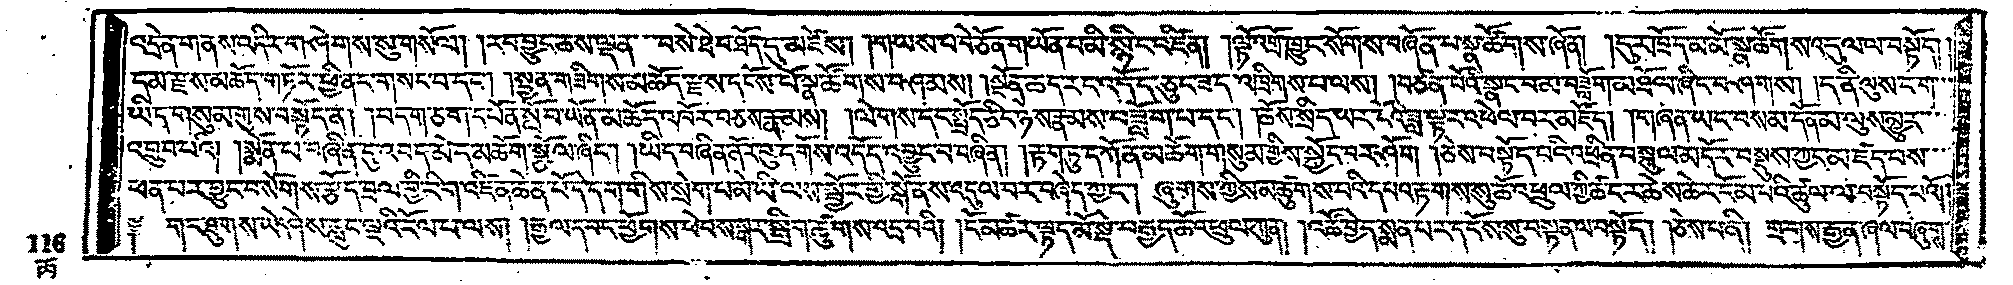འདྲེན་གནས་འདིར་གཤེགས་སུ་གསོལ། །རབ་བྱུང་ཆས་ལྡན་བསེ་ཐེབ་ཐོད་དུ་མཛེས། །གཡས་པ་བེ་ཅོན་གཡོན་པ་མི་སྙིང་འཛིན། །ལྟོ་འགྲོ་ཁྱུང་སོགས་བཞོན་པ་སྣ་ཚོགས་ཞོན། །དུར་ཁྲོད་མ་མོ་སྣ་ཚོགས་འདུལ་ལ་བསྟོད། །
དམ་རྫས་མཆོད་གཏོར་ཕྱི་ནང་གསང་བ་དང་། །སྤྱན་གཟིགས་མཆོད་རྫས་དངོས་པོ་སྣ་ཚོགས་བཤམས། །སྔོན་ཆད་རང་འདོད་ཅུང་ཟད་འཁྲིགས་པ་ལས། །བཙན་པོའི་སྣང་བ་མ་བཟློག་མཐོལ་ཞིང་བཤགས། །ད་ནི་ལུས་ངག་
ཡིད་གསུམ་གུས་བསྟོད་ན། །བདག་ཅག་དཔོན་སློབ་ཡོན་མཆོད་འཁོར་བཅས་རྣམས། །ལེགས་དང་སྤྲོད་ཅིང་ཉེས་རྣམས་བཟློག་པ་དང་། །ཆོས་སྲིད་ཡར་ངོའི་ཟླ་ལྟར་འཕེལ་བར་མཛོད། །གཞན་ཡང་བསམ་དོན་མ་ལུས་མྱུར་
འགྲུབ་པའི། །སྨོན་པ་བཞིན་དུ་འབད་མེད་མཆོག་སྩོལ་ཞིང་། །ཡིད་བཞིན་ནོར་བུ་དགོས་འདོད་འབྱུང་བ་བཞིན། །རྟག་ཏུ་དཀོན་མཆོག་གསུམ་གྱིས་སྐྱོང་བར་ཤོག །ཅེས་བསྟོད་པའི་འཕྲིན་བསྐུལ་མདོར་བསྡུས་ཀྱང་མཛད་པས་
ཕན་པར་བྱུང་བ་སོགས་རྩོད་བྲལ་གྱི་རིག་འཛིན་ཆེན་པོ་དེ་དག་གིས་སྲེག་པ་མེ་ཡི་ལས་སྦྱོར་གྱི་སྒོ་ནས་འདུལ་བར་བཞེད་ཀྱང་། ཞུགས་ཀྱིས་མ་ཚུགས་པའི་དཔའ་རྟགས་སུ་ཆོ་འཕྲུལ་གྱི་ཚ་ངར་ཆེས་ཆེར་ངོམ་པའི་ཚུལ་ལ་བསྟོད་པའོ། །
༈ གང་ཐུགས་ཡེ་ཤེས་རླུང་ལྔའི་རོལ་པ་ལས། །རྒྱལ་དབང་ཕྱོགས་ཕེབས་སྒར་སྒྲིག་ཚུགས་འདྲ་བའི། །ངོ་མཚར་ལྟད་མོ་སྡེ་བརྒྱད་ཆོ་འཕྲུལ་ཀུན། །འཚོ་བྱེད་སྨན་པར་དངོས་སུ་བསྟན་ལ་བསྟོད། །ཅེས་པ་ནི། གྲགས་རྒྱན་ཞལ་བཞུགས་